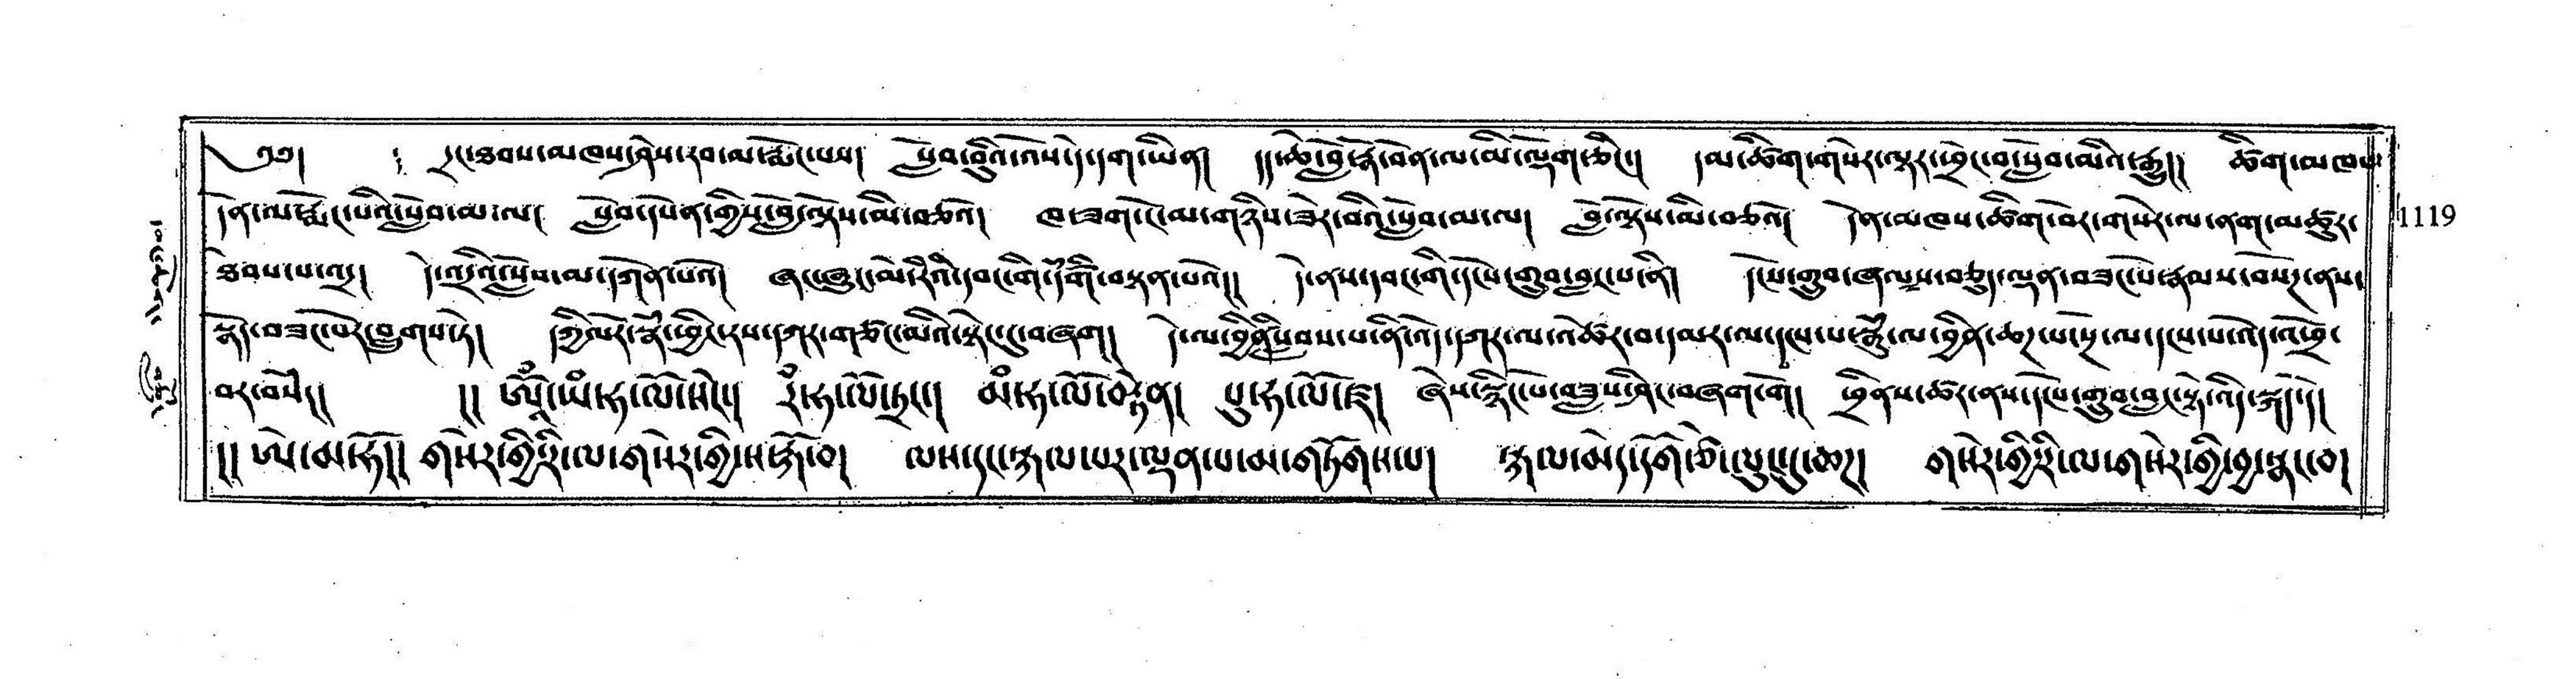དྲང་ཐབས་མཁས་ཤེས་རབ་མ་རྨོངས་པས། སློབ་བུའི་འོས་དེ་དག་ཡིན། དད་ཆེ་བློ་རྣོ་བོན་ལ་མི་ལྡོག་ཅིང་། དམ་ཚིག་གསེར་ལྟར་ཕྲེང་བ་སློབ་མའི་རྒྱུ།། ཚིག་མཁས་
དོན་ལ་རྨོང་པའི་སློབ་མ་ལ། སློབ་དཔོན་གྱི་བློ་ལྟོས་མི་བཅའོ། ཁ་ཟག་ངོ་མ་གཉིས་ཟེར་བའི་སློབ་མ་ལ། བློ་ལྟོས་མི་བཅའོ། དོན་མཁས་ཚིག་བོར་གསེར་ལ་ནག་མཚུར་
ཐེབས་པ་འདྲ། དེ་འདྲའི་སློབ་མ་དཀོན་པའོ། ཞང་ཞུང་མེ་རིའི་དབང་གི་དམ་ཚིག་བསྟན་པའོ།། དེ་ནས་དབང་གི་དངོས་གྲུབ་བླང་པ་ནི། དངོས་གྲུབ་ཞལ་ཟས་བཅུད་ལྡན་བཟང་པོ་རྣམས་བསོགས་ནས་
སྣོད་བཟང་པོར་བླུགས་ཏེ། དཀྱིལ་འཁོར་སྣམ་ཕྱིང་རས་དཀར་གཙང་མའི་སྟེང་དུ་བཞག དེ་ལ་བྱིན་གྱིས་བརླབས་པ་ནི། འོད་དཀར་ལ་འཚེར་བ་དམར་ལ་དྭངས་པ། སྣུམ་ལ་བྱིན་ཆགས་པ་སྔོ་ལ་དངས་པ་འོད་འཕྲོ་
བར་བསམ།། །།ཨཱོཾ་ཡྃ་ཧ་ལོ་སེང་། རཾ་ཧ་ལོ་དྲང་། མཾ་ཧ་ལོ་{1140}བརྟེན། པུ་ཧ་ལོ་ཛ། ཞེས་སྙིང་པོ་བཟླས་ཤིང་བཞག་གོ། ཕྲིན་ལས་ཚར་ནས་དངོས་གྲུབ་བླང་སྟེ་འདི་སྐད་དོ། 
།།ཨེ་མ་ཧོ།། གསེར་གྱི་རི་ལ་གསེར་གྱི་ས་རྐོ་བ། ལས་དང་སྐལ་པར་ལྡན་པ་མ་གཏོགས་པ། སྐལ་མེད་དོག་ཙེ་ལུང་དུ་ཆགས། གསེར་གྱི་རི་ལ་གསེར་གྱི་བྱ་སྣང་བ།